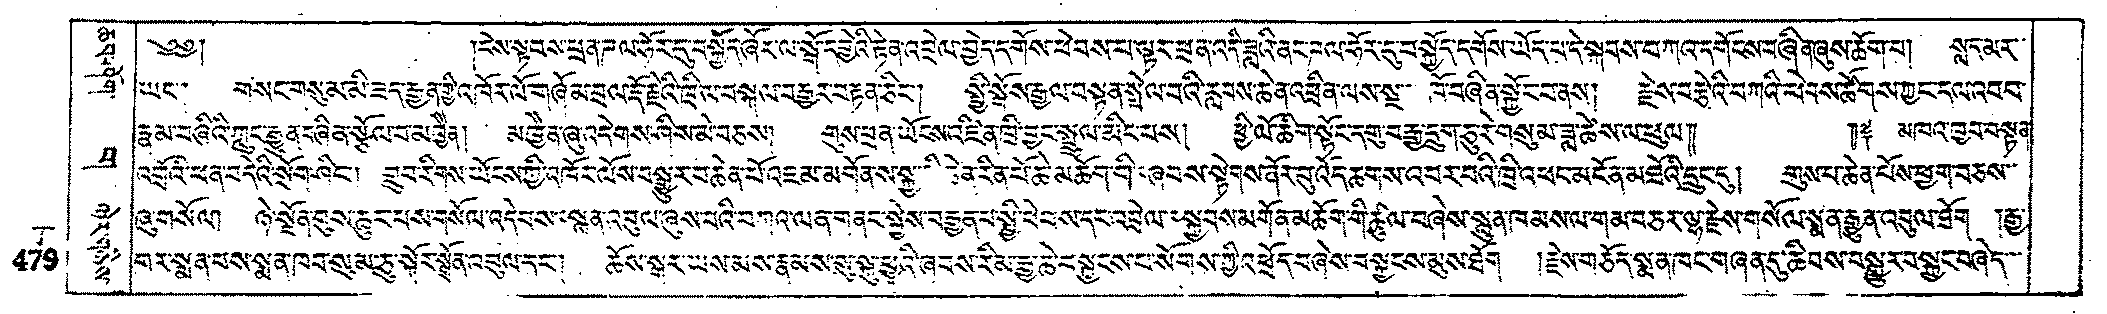༄༅། །ངེས་སྟབས་ཕྲན་ཌལ་ཧོར་དུ་བསྐྱོད་ཞོར་ལ་སྒོ་དབྱེའི་རྟེན་འབྲེལ་བྱེད་དགོས་ཕེབས་པ་ལྟར་ཕྲན་འདི་ཟླའི་ནང་ཌལ་ཧོར་དུ་བསྐྱོད་དགོས་ཡོད་པ་དེ་སྐབས་བཀའ་དགོངས་བཞིན་ཞུས་ཆོག་པ། སླད་མར་་་
ཡང་། གསང་གསུམ་མི་ཟད་རྒྱན་གྱི་འཁོར་ལོ་གཞོམ་བྲལ་རྡོ་རྗེའི་ཁྲི་ལ་བསྐལ་བརྒྱར་བརྟན་ཅིང་། སྤྱི་སྒོས་རྒྱལ་བསྟན་སྤེལ་བའི་རླབས་ཆེན་འཕྲིན་ལས་སྔ་་་ཁོ་བཞིན་སྐྱོང་བ་ནས། རྗེས་བརྩེའི་བཀའི་ཕེབས་ཚོགས་ཀྱང་དལ་འབབ་
རྣམ་བཞིའི་ཀླུང་རྒྱུན་བཞིན་སྩོལ་བ་མཁྱཻཨེན། མཁྱཻན་ཞུ་འདེགས་ཤིས་མེ་བཅས། གུས་ཕྲན་ཡོངས་འཛིན་ཁྲི་བྱང་སྤྲུལ་མིང་པས། ཕྱི་ལོ་ཆིག་སྟོང་དགུ་བརྒྱ་དྲུག་ཅུ་རེ་གསུམ་ཟླ་ཚེས་ལ་ཕུལ།། །།འྨྑའ་ཁྱབ་བསྟན་
འགྲོའི་ཕན་བདེའི་སྲོག་ཤིང་། གྲུབ་རིགས་ཡོངས་ཀྱི་འཁོར་ལོས་བསྒྱུར་བ་ཆེན་པོ་འཇམ་མགོན་ས་སྐྱ་?་ཆེན་རིན་པོ་ཆེ་མཆོག་གི ༧ཞབས་སྟེགས་ནོར་བུ་འོད་ཆགས་འབར་བའི་ཁྲི་འཕང་མངོན་མཐོའི་དྲུང་དུ། གུས་པ་ཆེན་པོས་ཕྱག་བཅས་་་
ཞུ་གསོལ། ཉེ་སྔོན་གུས་ཆུང་པས་གསོལ་འདེབས ༧སྙན་འབུལ་ཞུས་པའི་བཀའ་ལན་གནང་སྐྱེས་བརྒྱན་པ་སྤྱི་ཕེབས་དང་འབྲེལ ༧སྐྱབས་མགོན་མཆོག་གི་ཚུལ་བཞེས་སྙུན་ཁམས་ལ་གམ་བཅར་ལྷ་རྗེས་གསོལ་སྨན་རྒྱུན་འབུལ་ཐོག །རྒྱ་
གར་སྨན་པས་སྨན་ཁབ་སུམ་ཅུ་སྐོར་སྒྲོན་འབུལ་དང་། ཆོས་སྒར་ཡས་མས་རྣམས་སུ་སྐུ་ཕྱའི་ཞབས་རིམ་རྒྱ་ཆེ་བསྐྱངས་པ་སོགས་ཀྱི་འཕྲོད་བཞེས་བསྐྱངས་མུས་ཐོག །རྗེས་གཅོད་སྨན་ཁང་གཞན་དུ་ཆིབས་བསྒྱུར་བསྐྱང་བཞེད་་་